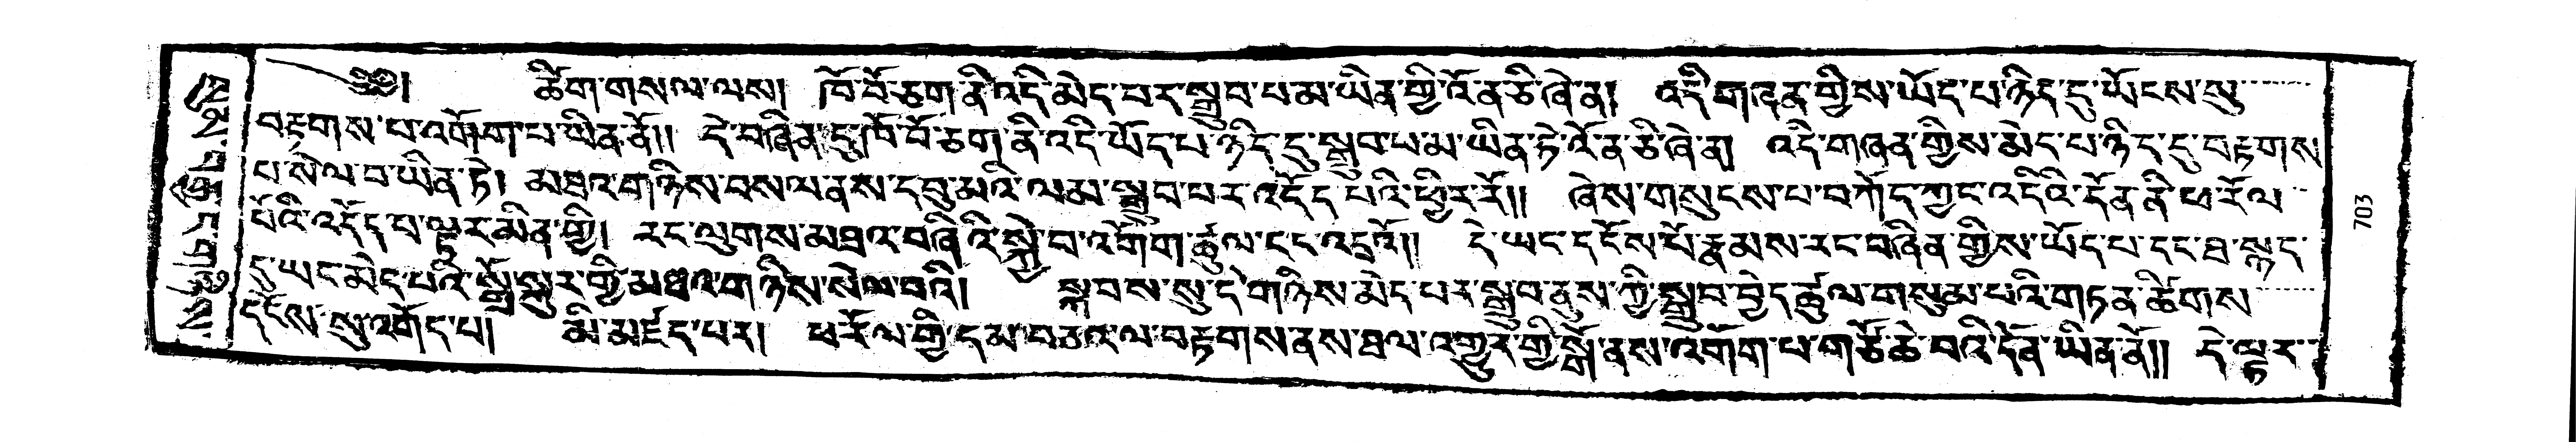༄༅། །ཚིག་གསལ་ལས། ཁོ་བོ་ཅག་ནི་འདི་མེད་པར་སྒྲུབ་པ་མ་ཡིན་གྱི་འོ་ན་ཅི་ཞེ་ན། འདི་གཞན་གྱིས་ཡོད་པ་ཉིད་དུ་ཡོངས་སུ་
བརྟགས་པ་འགོག་པ་ཡིན་ནོ། །དེ་བཞིན་དུ་ཁོ་བོ་ཅག་ནི་འདི་ཡོད་པ་ཉིད་དུ་སྒྲུབ་པ་མ་ཡིན་ཏེ་འོ་ན་ཅི་ཞེ་ན། འདི་གཞན་གྱིས་མེད་པ་ཉིད་དུ་བརྟགས་
པ་སེལ་བ་ཡིན་ཏེ། མཐའ་གཉིས་བསལ་ནས་དབུ་མའི་ལམ་སྒྲུབ་པར་འདོད་པའི་ཕྱིར་རོ། །ཞེས་གསུངས་པ་བཀོད་ཀྱང་འདིའི་དོན་ནི་ཕ་རོལ་
པོའི་འདོད་པ་ལྟར་མིན་གྱི། རང་ལུགས་མཐའ་བཞིའི་སྐྱེ་བ་འགོག་ཚུལ་དང་འདྲའོ། །དེ་ཡང་དངོས་པོ་རྣམས་རང་བཞིན་གྱིས་ཡོད་པ་དང་ཐ་སྙད་
དུ་ཡང་མེད་པའི་སྒྲོ་སྐུར་གྱི་མཐའ་གཉིས་སེལ་བའི། སྐབས་སུ་དེ་གཉིས་མེད་པར་སྒྲུབ་ནུས་ཀྱི་སྒྲུབ་བྱེད་ཚུལ་གསུམ་པའི་གཏན་ཚིགས་
དངོས་སུ་འགོད་པ། མི་མཛད་པར། ཕ་རོལ་གྱི་དམ་བཅའ་ལ་བརྟགས་ནས་ཐལ་འགྱུར་གྱི་སྒོ་ནས་འགོག་པ་གཙོ་ཆེ་བའི་དོན་ཡིན་ནོ། །དེ་ལྟར་